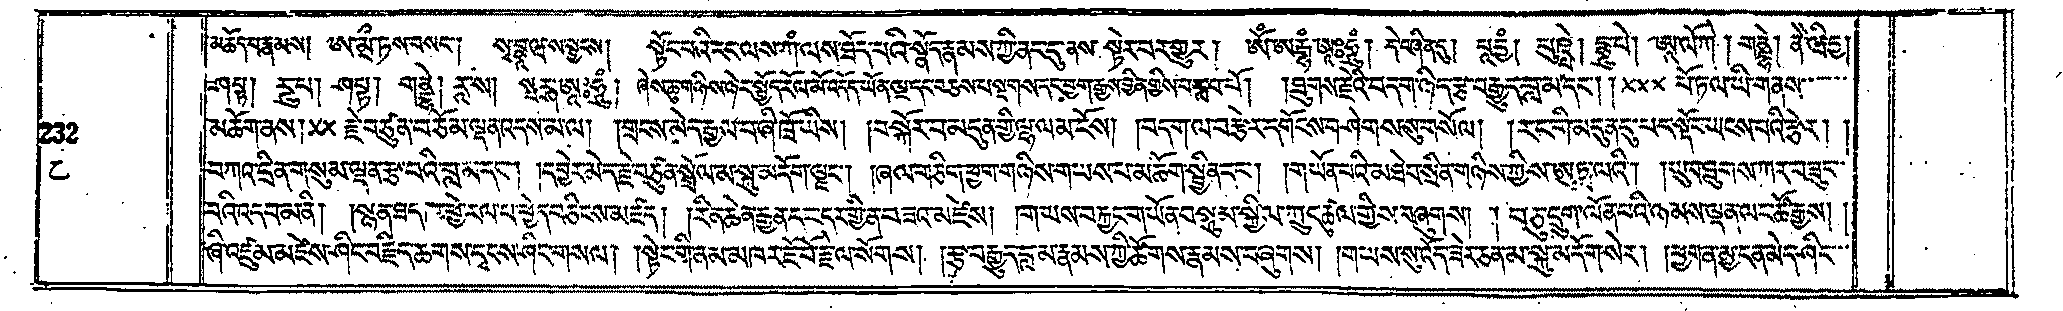མཆོད་པ་རྣམས། ཨ་མྲྀ་ཏས་བསང་། སྭ་བྷཱ་ཝས་སྦྱངས། སྟོང་པའི་ངང་ལས་ཀཾ་ལས་ཐོད་པའི་སྣོད་རྣམས་ཀྱི་ནང་དུ་ནས་སྟེར་བར་གྱུར། ཨོཾ་ཨརྒྷཾ་ཨཱཿཧཱུཾ། དེ་བཞིན་དུ། པཱདྱཾ། པུཥྤེ། དྷཱུ་པེ། ཨཱ་ལོ་ཀེ། གནྡྷེ། ནཻ་ཝིདྱ།
ཤཔྟ། རཱུ་པ། ཤཔྟ། གནྡྷེ། རཱ་ས། སྤྲྴ་ཨཱཿཧཱུཾ། ཞེས་ཆུ་གཉིས་ཉེར་སྤྱོད་རོལ་མོ་འདོད་ཡོན་ལྔ་དང་བཅས་པ་སྔགས་དང་ཕྱག་རྒྱས་བྱིན་གྱིས་བརླབ་པོ།  །ཐུགས་རྗེའི་བདག་ཉིད་རྩ་བརྒྱུད་བླ་མ་དང་། །྾་྾་྾་པོ་ཏ་ལ་ཡི་གནས་་་
མཆོག་ནས། ྾་྾་རྗེ་བཙུན་བཅོམ་ལྡན་འདས་མ་ལ། །གྲངས་མེད་རྒྱལ་བ་ཞི་ཁྲོ་ཡིས། །བསྐོར་བ་མདུན་གྱི་ལྷ་ལམ་ངོས། །བདག་ལ་བརྩེར་དགོངས་གཤེགས་སུ་གསོལ། །རང་གི་མདུན་དུ་པད་སྡོང་ཡངས་པའི་རྩེར། །
བཀའ་དྲིན་གསུམ་ལྡན་རྩ་བའི་བླ་མ་དང་། །དབྱེར་མེད་རྗེ་བཙུན་སྒྲོལ་མ་སྐུ་མདོག་ལྗང་། །ཞལ་གཅིག་ཕྱག་གཉིས་གཡས་པ་མཆོག་སྦྱིན་དང་། །གཡོན་པའི་མཐེབ་སྲིན་གཉིས་ཀྱིས་ཨུཏྤ་ལའི། །ཡུ་བ་ཐུགས་ཀར་བཟུང་་་
བའི་འདབ་མ་ནི། །སྙན་ཐད་ཁ་ཕྱེ་རལ་པ་ཕྱེད་བཅིངས་མཛད། །རིན་ཆེན་རྒྱན་དང་དར་གྱི་ན་བཟའ་མཛེས། །གཡས་བརྐྱང་གཡོན་བསྐུམ་སྐྱིལ་ཀྲུང་ཚུལ་གྱིས་བཞུགས། །བཅུ་དྲུག་ལོན་པའི་ཉམས་ལྡན་ལང་ཚོ་རྒྱས། །
ཞི་འཛུམ་མཛེས་ཤིང་བརྗིད་ཆགས་དྭངས་ཤིང་གསལ། །སྟེང་གི་ནམ་མཁར་ཇོ་བོ་རྗེ་ལ་སོགས། །རྩ་བརྒྱུད་བླ་མ་རྣམས་ཀྱི་ཚོགས་རྣམས་བཞུགས། །གཡས་སུ་འོད་ཟེར་ཅན་མ་སྐུ་མདོག་སེར། །ཕྱག་ན་མྱ་ངན་མེད་ཤིང་་་